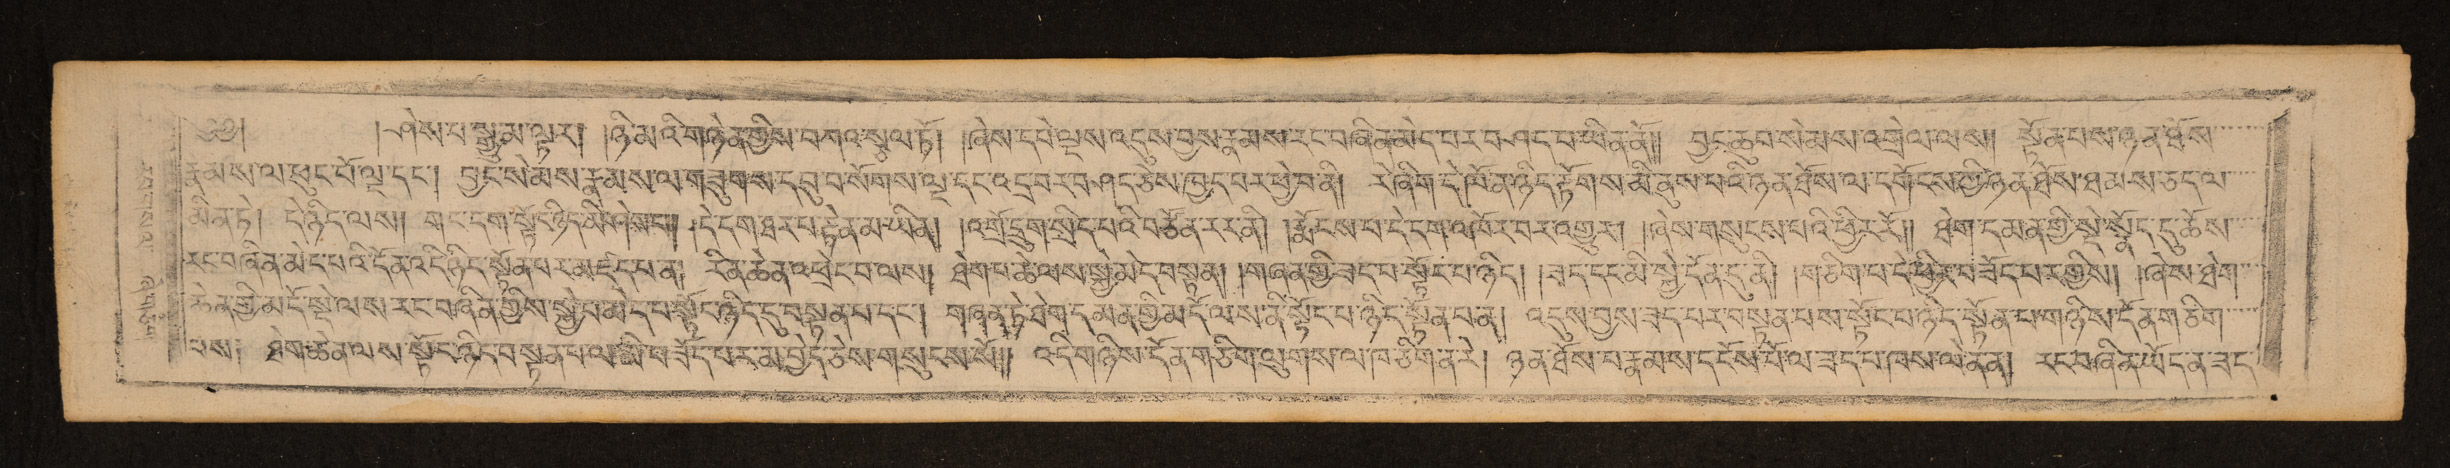༄༅། །ཤེས་པ་སྒྱུ་མ་ལྟར། །ཉི་མའི་གཉེན་གྱིས་བཀའ་སྩལ་ཏེ། །ཞེས་དཔེ་ལྔས་འདུས་བྱས་རྣམས་རང་བཞིན་མེད་པར་བཤད་པ་ཡིན་ནོ།། བྱང་ཆུབ་སེམས་འགྲེལ་ལས། སྟོན་པས་ཉན་ཐོས་
རྣམས་ལ་ཕུང་པོ་ལྔ་དང་། བྱང་སེམས་རྣམས་ལ་གཟུགས་དབུ་བ་སོགས་ལྔ་དང་འདྲ་བར་བཤད་ཅེས་ཁྱད་པར་ཕྱེ་བ་ནི། རེ་ཞིག་དེ་ཁོ་ན་ཉིད་རྟོགས་མི་ནུས་པའི་ཉན་ཐོས་ལ་དགོངས་ཀྱི་ཉན་ཐོས་ཐམས་ཅད་ལ་
མིན་ཏེ། དེ་ཉིད་ལས། གང་དག་སྟོང་ཉིད་མི་ཤེས་པ། །དེ་དག་ཐར་པ་རྟེན་མ་ཡིན། །འགྲོ་དྲུག་སྲིད་པའི་བཙོན་རར་ནི། །རྨོངས་པ་དེ་དག་འཁོར་བར་འགྱུར། །ཞེས་གསུངས་པའི་ཕྱིར་རོ།། ཐེག་དམན་གྱི་སྡེ་སྣོད་དུ་ཆོས་
རང་བཞིན་མེད་པའི་དོན་འདི་ཉིད་སྟོན་པར་མཛད་པ་ན། རིན་ཆེན་འཕྲེང་བ་ལས། ཐེག་པ་ཆེ་ལས་སྐྱེ་མེད་བསྟན། །གཞན་གྱི་ཟད་པ་སྟོང་པ་ཉིད། །ཟད་དང་མི་སྐྱེ་དོན་དུ་ནི། །གཅིག་པ་དེ་ཕྱིར་བཟོད་པར་གྱིས། །ཞེས་ཐེག་
ཆེན་གྱི་མདོ་སྡེ་ལས་རང་བཞིན་གྱིས་སྐྱེ་བ་མེད་པ་སྟོང་ཉིད་དུ་བསྟན་པ་དང་། གཞན་ཏེ་ཐེག་དམན་གྱི་མདོ་ལས་ནི་སྟོང་པ་ཉིད་སྟོན་པ་ན། འདུས་བྱས་ཟད་པར་བསྟན་པས་སྟོང་པ་ཉིད་སྟོན་པ་གཉིས་དོན་གཅིག་
པས༑ ཐེག་ཆེན་ལས་སྟོང་ཉིད་བསྟན་པ་ལ་མི་བཟོད་པར་མ་བྱེད་ཅེས་གསུངས་སོ།། འདི་གཉིས་དོན་གཅིག་ལུགས་ལ་ཁ་ཅིག་ན་རེ། ཉན་ཐོས་པ་རྣམས་དངོས་པོ་ལ་ཟད་པ་ཁས་ལེན་ན། རང་བཞིན་ཡོད་ན་ཟད་